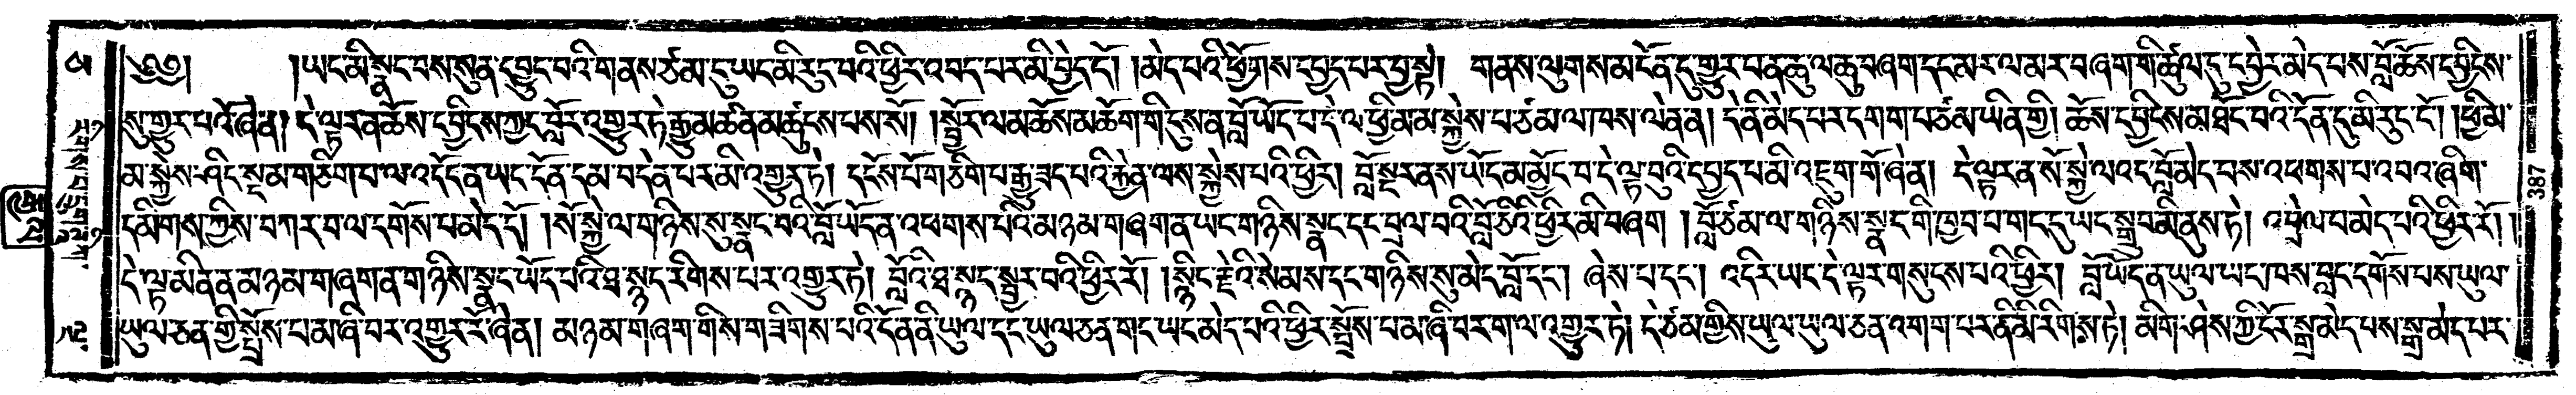༄༅། །ཡང་མི་སྣང་བས་སུན་དབྱུང་བའི་གནས་ཙམ་དུ་ཡང་མི་རུང་བའི་ཕྱིར་འབད་པར་མི་བྱེད་དོ། །མེད་པའི་ཕྱོགས་དཔྱད་པར་བྱ་སྟེ། གནས་ལུགས་མངོན་དུ་གྱུར་པ་ན་ཆུ་ལ་ཆུ་བཞག་དང་མར་ལ་མར་བཞག་གི་ཚུལ་དུ་དབྱེར་མེད་པས་བློ་ཆོས་དབྱིངས་
སུ་གྱུར་པའོ་ཞེ་ན། དེ་ལྟར་ན་ཆོས་དབྱིངས་ཀྱང་བློར་འགྱུར་ཏེ་རྒྱུ་མཚན་མཚུངས་པས་སོ། །སྦྱོར་ལམ་ཆོས་མཆོག་གི་དུས་ན་བློ་ཡོད་པ་དེ་ལ་ཕྱི་མ་མ་སྐྱེས་པ་ཙམ་ལ་ཁས་ལེན་ན། དེ་ནི་མེད་པར་དགག་པ་ཙམ་ཡིན་གྱི། ཆོས་དབྱིངས་མཐོང་བའི་དོན་དུ་མི་རུང་ངོ། །ཕྱི་མ་
མ་སྐྱེས་ཤིང་སྔ་མ་གཅིག་པ་ལ་འདོད་ན་ཡང་དོན་དམ་བདེན་པར་མི་འགྱུར་ཏེ། དངོས་པོ་གཅིག་པ་རྒྱུ་ཟད་པའི་རྐྱེན་ལས་སྐྱེས་པའི་ཕྱིར། བློ་སྔར་ནས་ཡོད་མ་མྱོང་བ་དེ་ལྟ་བུའི་དཔྱད་པ་མི་འཇུག་གོ་ཞེ་ན། དེ་ལྟར་ན་སོ་སྐྱེ་ལའང་བློ་མེད་པས་འཕགས་པ་འབའ་ཞིག་
དམིགས་ཀྱིས་བཀར་བ་ལ་དགོས་པ་མེད་དོ། །སོ་སྐྱེ་ལ་གཉིས་སུ་སྣང་བའི་བློ་ཡོད་ན་འཕགས་པའི་མཉམ་གཞག་ན་ཡང་གཉིས་སྣང་དང་བྲལ་བའི་བློ་ཅིའི་ཕྱིར་མི་བཞག །བློ་ཙམ་ལ་གཉིས་སྣང་གི་ཁྱབ་པ་གང་དུ་ཡང་སྒྲུབ་མི་ནུས་ཏེ། འབྲེལ་པ་མེད་པའི་ཕྱིར་རོ། །
དེ་ལྟ་མིན་ན་མཉམ་གཞག་ན་གཉིས་སྣང་ཡོད་པའི་ཐ་སྙད་རིགས་པར་འགྱུར་ཏེ། བློའི་ཐ་སྙད་སྦྱར་བའི་ཕྱིར་རོ། །སྙིང་རྗེའི་སེམས་དང་གཉིས་སུ་མེད་བློ་དང་། ཞེས་པ་དང་། འདིར་ཡང་དེ་ལྟར་གསུངས་པའི་ཕྱིར། བློ་ཡོད་ན་ཡུལ་ཡང་ཁས་བླང་དགོས་པས་ཡུལ་
ཡུལ་ཅན་གྱི་སྤྲོས་པ་མ་ཞི་བར་འགྱུར་རོ་ཞེ་ན། མཉམ་གཞག་གིས་གཟིགས་པའི་དོན་ནི་ཡུལ་དང་ཡུལ་ཅན་གང་ཡང་མེད་པའི་ཕྱིར་སྤྲོས་པ་མ་ཞི་བར་ག་ལ་འགྱུར་ཏེ། དེ་ཙམ་གྱིས་ཡུལ་ཡུལ་ཅན་འགག་པར་ནི་མི་རིགས་ཏེ། མིག་ཤེས་ཀྱི་ངོར་སྒྲ་མེད་པས་སྒྲ་མེད་པར་